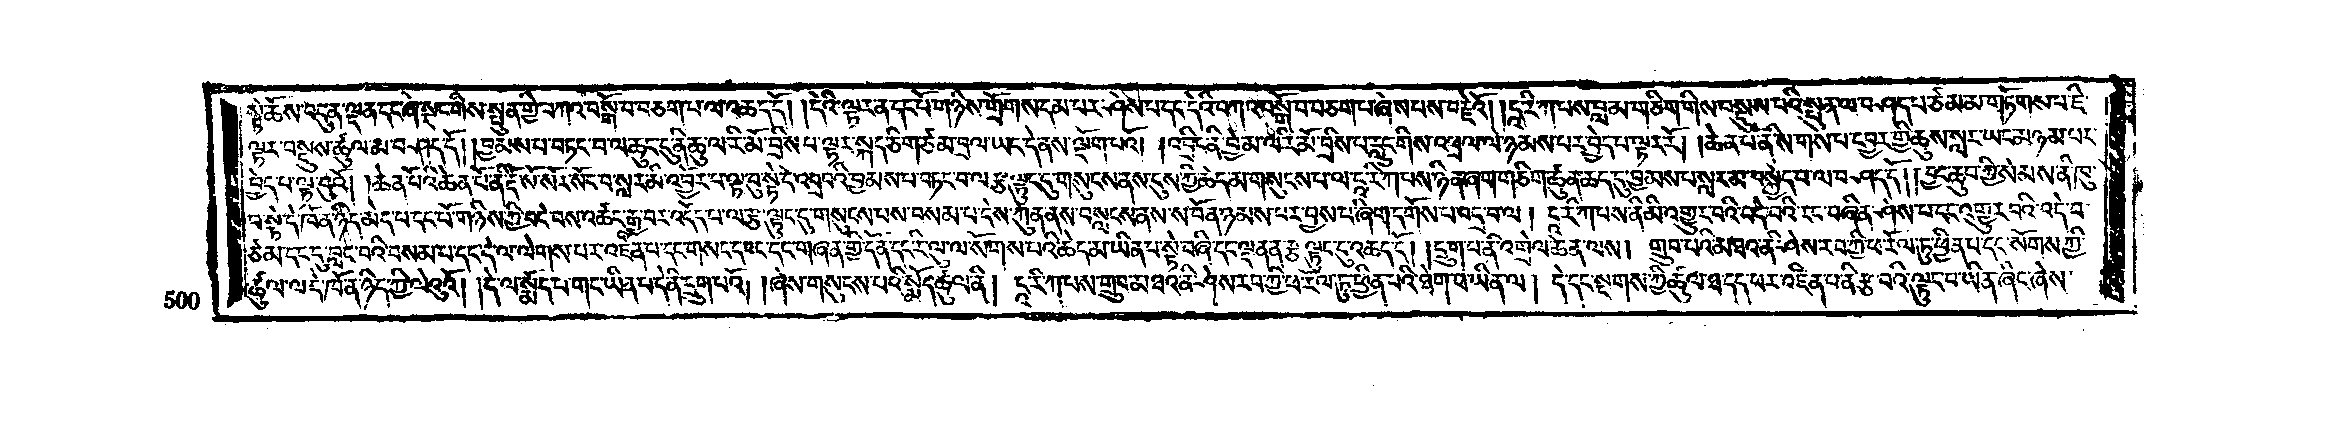སྟེ་ཆོས་བདུན་ལྡན་དང་ཞེ་སྡང་གིས་སྤུན་གྱི་བཀའ་བསྒོ་བ་བཅག་པ་ལ་འཆད་དོ། །དེའི་ལྟར་ན་དང་པོ་གཉིས་གྲོགས་དམ་པར་ཤེས་པ་དང་དེའི་བཀའ་བསྒོ་བ་བཅག་པ་ཞེས་པས་བརྗེའོ། །དཱ་རི་ཀ་པས་བླ་མ་གཅིག་གིས་བསྡུས་པའི་སྤུན་ལ་བཤད་པ་ཙམ་མ་གཏོགས་པ་ཇི་
ལྟར་བསྡུས་ཚུལ་མ་བཤད་དོ། །བྱམས་པ་བཏང་བ་ལ་ཆུང་ངུ་ནི་ཆུ་ལ་རི་མོ་བྲིས་པ་ལྟར་སྐད་ཅིག་ཙམ་བྲལ་ཡང་དེ་ནས་ལྡོག་པའོ། །འབྲིང་ནི་བྱེ་མ་ལ་རི་མོ་བྲིས་པ་རླུང་གིས་འཕྲལ་ལ་ཉམས་པར་བྱེད་པ་ལྟར་རོ། །ཆེན་པོ་ནི་ས་གས་པ་དབྱར་གྱི་ཆུས་སླར་ཡང་མཉམ་པར་
བྱེད་པ་ལྟ་བུའོ། །ཆེན་པོའི་ཆེན་པོ་ནི་རྡོ་སོ་སོར་སོང་བ་སླར་མི་འབྱོར་པ་ལྟ་བུ་སྟེ་དེ་འབྲ་བའི་བྱམས་པ་བཏང་བ་ལ་རྩ་ལྟུང་དུ་གསུངས་ནས་དུས་ཀྱི་ཆེད་མ་གསུངས་པ་ལ་དཱ་རི་ཀ་པས་ཉིན་ཞག་གཅིག་ཚུན་ཆད་དུ་བྱམས་པ་སླར་མ་བསྐྱེད་པ་ལ་བཤད་དོ། །བྱང་ཆུབ་ཀྱི་སེམས་ནི་ཁུ་
བ་སྟེ་དེ་ཁོ་ན་ཉིད་མེད་པ་དང་པོ་གཉིས་ཀྱི་བདེ་བས་འཚང་རྒྱ་བར་འདོད་པ་ལ་རྩ་ལྟུང་དུ་གསུངས་པས་བསམ་པ་དེས་ཀུན་ནས་བསླངས་ནས་ས་བོན་ཉམས་པར་བྱས་པ་ཞིག་དགོས་པ་འདྲ་བ་ལ། དཱ་རི་ཀ་པས་ནི་མི་འགྱུར་བའི་བདེ་བའི་རང་བཞིན་ཤེས་པ་དང་འགྱུར་བའི་བདེ་བ་
ཙམ་དང་དུ་བླང་བའི་བསམ་པ་དང་དེ་ལ་ལེགས་པར་འཛིན་པ་དང་གསང་དབང་དང་གཞན་གྱི་དོན་དང་རི་ལུ་ལ་སོགས་པའི་ཆེད་མ་ཡིན་པ་སྟེ་བཞི་དང་ལྡན་ན་རྩ་ལྟུང་དུ་འཆད་དོ། །དྲུག་པ་ནི་འགྲེལ་ཆེན་ལས། གྲུབ་པའི་མཐའ་ནི་ཤེས་རབ་ཀྱི་ཕ་རོལ་ཏུ་ཕྱིན་པ་དང་སོགས་ཀྱི་
ཚུལ་ལ་དེ་ཁོ་ན་ཉིད་ཀྱི་ལེའུའོ། །དེ་ལ་སྨོད་པ་གང་ཡིན་པ་དེ་ནི་དྲུག་པའོ། །ཞེས་གསུངས་པའི་སྨོད་ཚུལ་ནི། དཱ་རི་ཀ་པས་གྲུབ་མཐའ་ནི་ཤེས་རབ་ཀྱི་ཕ་རོལ་ཏུ་ཕྱིན་པའི་ཐེག་པ་ཡིན་ལ། དེ་དང་སྔགས་ཀྱི་ཚུལ་ཐ་དད་ཕར་འཛིན་པ་ནི་རྩ་བའི་ལྟུང་བ་ཡིན་ཞིང་ཞེས་